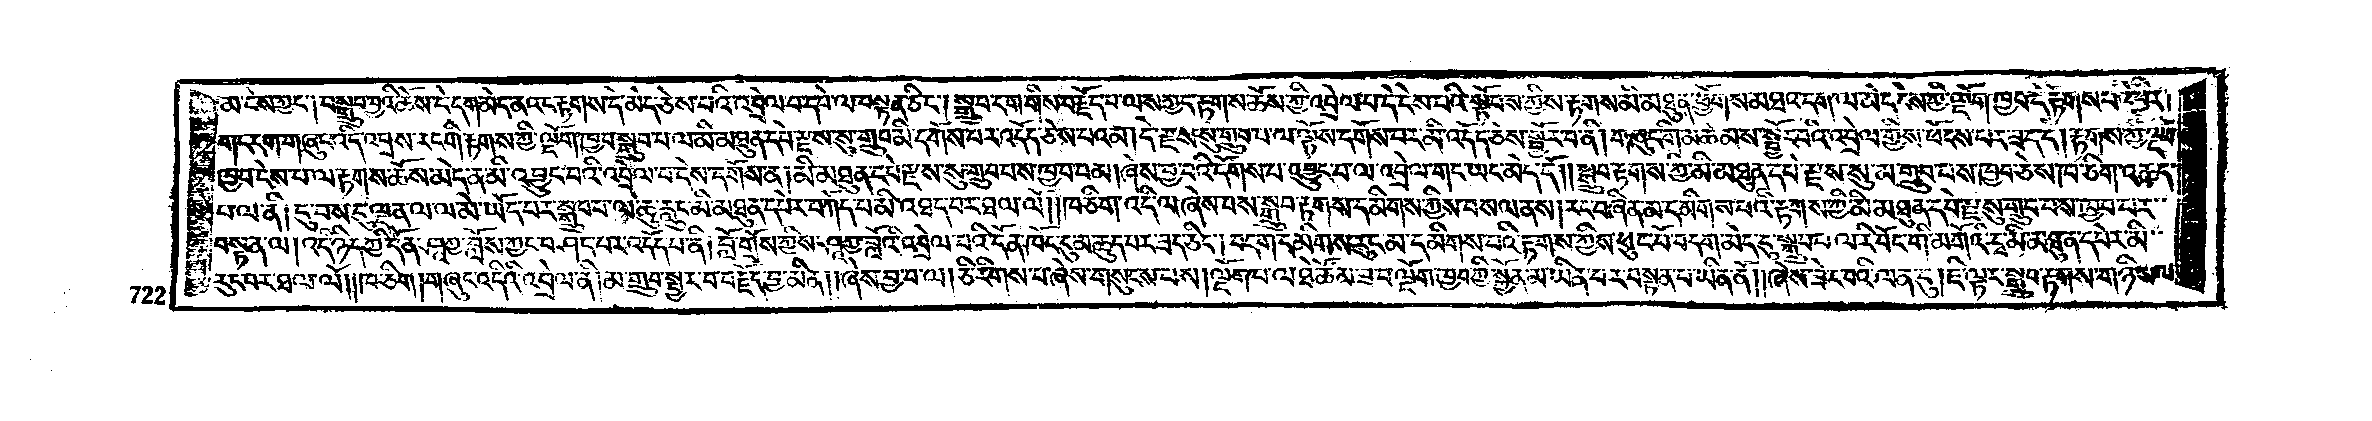མ་ངེས་ཀྱང་། བསྒྲུབ་བྱའི་ཆོས་དེ་དག་མེད་ནའང་རྟགས་དེ་མེད་ཅེས་པའི་འབྲེལ་བ་དཔེ་ལ་བསྟན་ཅིང་། སྒྲུབ་ངག་གིས་བརྗོད་པ་ལས་ཀྱང་རྟགས་ཆོས་ཀྱི་འབྲེལ་པ་དེ་ངེས་པའི་སྟོབས་ཀྱིས་རྟགས་མི་མཐུན་ཕྱོགས་མཐའ་དག་ལ་མེད་ངེས་ཀྱི་ལྡོག་ཁྱབ་དེ་རྟོགས་པའི་ཕྱིར།
གང་དག་གཞུང་འདི་འབྲས་རང་གི་རྟགས་ཀྱི་ལྡོག་ཁྱབ་སྒྲུབ་པ་ལ་མི་མཐུན་དཔེ་རྫས་སུ་གྲུབ་མི་དགོས་པར་འདོད་ཅེས་པའམ། དེ་རྫས་སུ་གྲུབ་པ་ལ་ལྟོས་དགོས་པར་མི་འདོད་ཅེས་སྦྱོར་བ་ནི། གཞུང་གི་མཚམས་སྦྱོར་བའི་འབྲེལ་གྱིས་ཕོངས་པར་ཟད་དེ། རྟགས་ཀྱི་ལྡོག་
ཁྱབ་ངེས་པ་ལ་རྟགས་ཆོས་མེད་ན་མི་འབྱུང་བའི་འབྲེལ་བ་ངེས་དོགས་ན། མི་མཐུན་དཔེ་རྫས་སུ་གྲུབ་པས་ཁྱབ་བམ། ཞེས་བྱ་བའི་དོགས་པ་འབྱུང་བ་ལ་འབྲེལ་གང་ཡང་མེད་དོ། །སྒྲུབ་རྟགས་ཀྱི་མི་མཐུན་དཔེ་རྫས་སུ་མ་གྲུབ་པས་ཁྱབ་ཅེས་ཁ་ཅིག་འཆད་
པ་ལ་ནི། དུ་བས་དུ་ལྡན་ལ་ལ་མེ་ཡོད་པར་སྒྲུབ་པ་ལ་ཆུ་རླུང་མི་མཐུན་དཔེར་བཀོད་པ་མི་འཐད་པར་ཐལ་ལོ། །ཁ་ཅིག་འདི་ལ་ཞེས་པས་སྒྲུབ་རྟགས་དམིགས་ཀྱིས་བསལ་ནས། རང་བཞིན་མ་དམིགས་པའི་རྟགས་ཀྱི་མི་མཐུན་དཔེ་རྫས་སུ་གྲུབ་པས་ཁྱབ་པར་
བསྟན་ལ། འདི་ཉིད་ཀྱི་དོན་ཤཱཀྱ་བློས་ཀྱང་བཤད་པར་འདོད་པ་ནི། བློ་གྲོས་ཀྱིས་ཤཱཀྱ་བློའི་འབྲེལ་བའི་དོན་ཁོང་དུ་མ་ཆུད་པར་ཟད་ཅིང་། བདག་དམིགས་རུང་མ་དམིགས་པའི་རྟགས་ཀྱིས་ཕུང་པོ་བདག་མེད་དུ་སྒྲུབ་པ་ལ་རི་བོང་གི་མགོའི་རVཨ་མི་མཐུན་དཔེར་མི་
རུང་བར་ཐལ་ལོ། །ཁ་ཅིག །གཞུང་འདིའི་འབྲེལ་བ་ནི། མ་གྲུབ་སྦྱར་བ་བརྗོད་བྱ་མིན། །ཞེས་བྱ་བ་ལ། ཅི་རིགས་པ་ཞེས་གསུངས་པས། ལྡོག་པ་ལ་ཐེ་ཚོམ་ཟ་བ་ལྡོག་ཁྱབ་ཀྱི་སྐྱོན་མ་ཡིན་པར་བསྟན་པ་ཡིན་ནོ། །ཞེས་ཟེར་བའི་ལན་དུ། ཇི་ལྟར་སྒྲུབ་རྟགས་གཉིས་ལ་